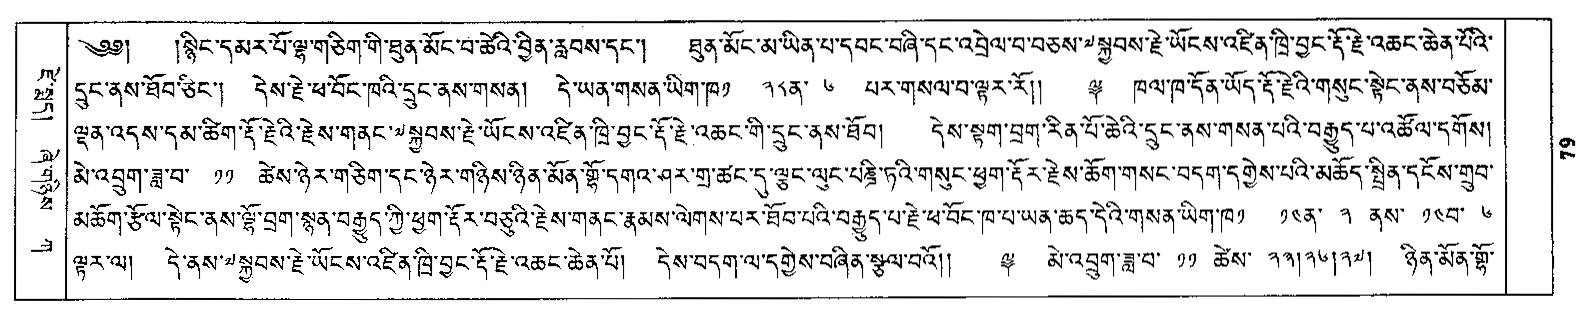༄༅། །སྙིང་དམར་པོ་ལྷ་གཅིག་གི་ཐུན་མོང་བ་ཚེའི་བྱིན་རླབས་དང་། ཐུན་མོང་མ་ཡིན་པ་དབང་བཞི་དང་འབྲེལ་བ་བཅས་༧་སྐྱབས་རྗེ་ཡོངས་འཛིན་ཁྲི་བྱང་རྡོ་རྗེ་འཆང་ཆེན་པོའི་
དྲུང་ནས་ཐོབ་ཅིང་། དེས་རྗེ་ཕ་བོང་ཁའི་དྲུང་ནས་གསན། དེ་ཡན་གསན་ཡིག་ཁ ༡ ༣༨་ན ༦་པར་གསལ་བ་ལྟར་རོ།། ༈ ཁལ་ཁ་དོན་ཡོད་རྡོ་རྗེའི་གསུང་སྟེང་ནས་བཅོམ་
ལྡན་འདས་དམ་ཚིག་རྡོ་རྗེའི་རྗེས་གནང་༧་སྐྱབས་རྗེ་ཡོངས་འཛིན་ཁྲི་བྱང་རྡོ་རྗེ་འཆང་གི་དྲུང་ནས་ཐོབ། དེས་སྟག་བྲག་རིན་པོ་ཆེའི་དྲུང་ནས་གསན་པའི་བརྒྱུད་པ་འཚོལ་དགོས།
མེ་འབྲུག་ཟླ་བ ༡༡་ཚེས་ཉེར་གཅིག་དང་ཉེར་གཉིས་ཉིན་མོན་གྷོ་དགའ་ཤར་གྲ་ཚང་དུ་ལྕང་ལུང་པཎྜི་ཏའི་གསུང་ཕྱག་རྡོར་རྗེས་ཆོག་གསང་བདག་དགྱེས་པའི་མཆོད་སྤྲིན་དངོས་གྲུབ་
མཆོག་རྩོལ་སྟེང་ནས་ལྷོ་བྲག་སྙན་བརྒྱུད་ཀྱི་ཕྱག་རྡོར་བཅུའི་རྗེས་གནང་རྣམས་ལེགས་པར་ཐོབ་པའི་བརྒྱུད་པ་རྗེ་ཕ་བོང་ཁ་པ་ཡན་ཆད་དེའི་གསན་ཡིག་ཁ ༡ ༡༤་ན ༢་ནས ༡༤་བ ༦
ལྟར་ལ། དེ་ནས་༧་སྐྱབས་རྗེ་ཡོངས་འཛིན་ཁྲི་བྱང་རྡོ་རྗེ་འཆང་ཆེན་པོ། དེས་བདག་ལ་དགྱེས་བཞིན་སྩལ་བའོ།། ༈ མེ་འབྲུག་ཟླ་བ ༡༡་ཚེས ༢༣༼༢༦༽༢༧་ཉིན་མོན་གྷོ་